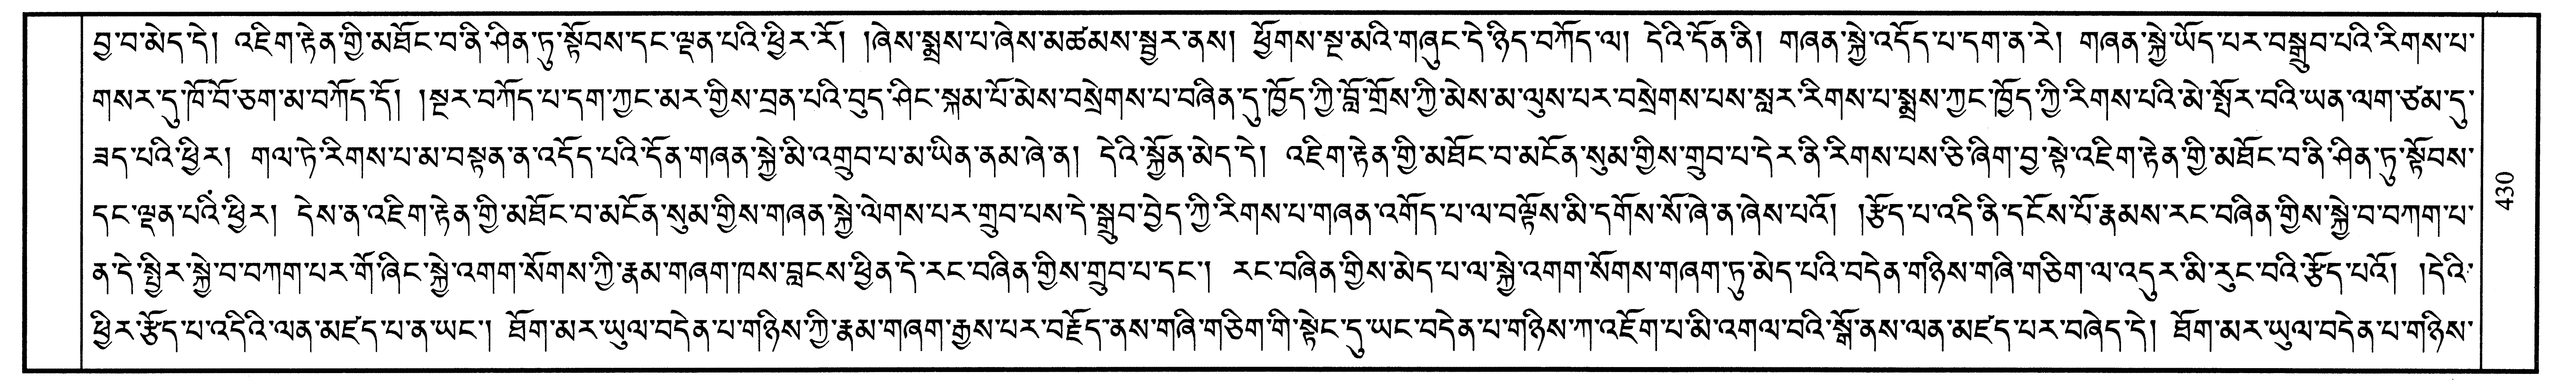བྱ་བ་མེད་དེ། འཇིག་རྟེན་གྱི་མཐོང་བ་ནི་ཤིན་ཏུ་སྟོབས་དང་ལྡན་པའི་ཕྱིར་རོ། །ཞེས་སྨྲས་པ་ཞེས་མཚམས་སྦྱར་ནས། ཕྱོགས་སྔ་མའི་གཞུང་དེ་ཉིད་བཀོད་ལ། དེའི་དོན་ནི། གཞན་སྐྱེ་འདོད་པ་དག་ན་རེ། གཞན་སྐྱེ་ཡོད་པར་བསྒྲུབ་པའི་རིགས་པ་
གསར་དུ་ཁོ་བོ་ཅག་མ་བཀོད་དོ། །སྔར་བཀོད་པ་དག་ཀྱང་མར་གྱིས་བྲན་པའི་བུད་ཤིང་སྐམ་པོ་མེས་བསྲེགས་པ་བཞིན་དུ་ཁྱོད་ཀྱི་བློ་གྲོས་ཀྱི་མེས་མ་ལུས་པར་བསྲེགས་པས་སླར་རིགས་པ་སྨྲས་ཀྱང་ཁྱོད་ཀྱི་རིགས་པའི་མེ་སྤོར་བའི་ཡན་ལག་ཙམ་དུ་
ཟད་པའི་ཕྱིར། གལ་ཏེ་རིགས་པ་མ་བསྟན་ན་འདོད་པའི་དོན་གཞན་སྐྱེ་མི་འགྲུབ་པ་མ་ཡིན་ནམ་ཞེ་ན། དེའི་སྐྱོན་མེད་དེ། འཇིག་རྟེན་གྱི་མཐོང་བ་མངོན་སུམ་གྱིས་གྲུབ་པ་དེར་ནི་རིགས་པས་ཅི་ཞིག་བྱ་སྟེ་འཇིག་རྟེན་གྱི་མཐོང་བ་ནི་ཤིན་ཏུ་སྟོབས་
དང་ལྡན་པའི་ཕྱིར། དེས་ན་འཇིག་རྟེན་གྱི་མཐོང་བ་མངོན་སུམ་གྱིས་གཞན་སྐྱེ་ལེགས་པར་གྲུབ་པས་དེ་སྒྲུབ་བྱེད་ཀྱི་རིགས་པ་གཞན་འགོད་པ་ལ་བལྟོས་མི་དགོས་སོ་ཞེ་ན་ཞེས་པའོ། །རྩོད་པ་འདི་ནི་དངོས་པོ་རྣམས་རང་བཞིན་གྱིས་སྐྱེ་བ་བཀག་པ་
ན་དེ་སྤྱིར་སྐྱེ་བ་བཀག་པར་གོ་ཞིང་སྐྱེ་འགག་སོགས་ཀྱི་རྣམ་གཞག་ཁས་བླངས་ཕྱིན་དེ་རང་བཞིན་གྱིས་གྲུབ་པ་དང་། རང་བཞིན་གྱིས་མེད་པ་ལ་སྐྱེ་འགག་སོགས་གཞག་ཏུ་མེད་པའི་བདེན་གཉིས་གཞི་གཅིག་ལ་འདུར་མི་རུང་བའི་རྩོད་པའོ། །དེའི་
ཕྱིར་རྩོད་པ་འདིའི་ལན་མཛད་པ་ན་ཡང་། ཐོག་མར་ཡུལ་བདེན་པ་གཉིས་ཀྱི་རྣམ་གཞག་རྒྱས་པར་བརྗོད་ནས་གཞི་གཅིག་གི་སྟེང་དུ་ཡང་བདེན་པ་གཉིས་ཀ་འཇོག་པ་མི་འགལ་བའི་སྒོ་ནས་ལན་མཛད་པར་བཞེད་དེ། ཐོག་མར་ཡུལ་བདེན་པ་གཉིས་